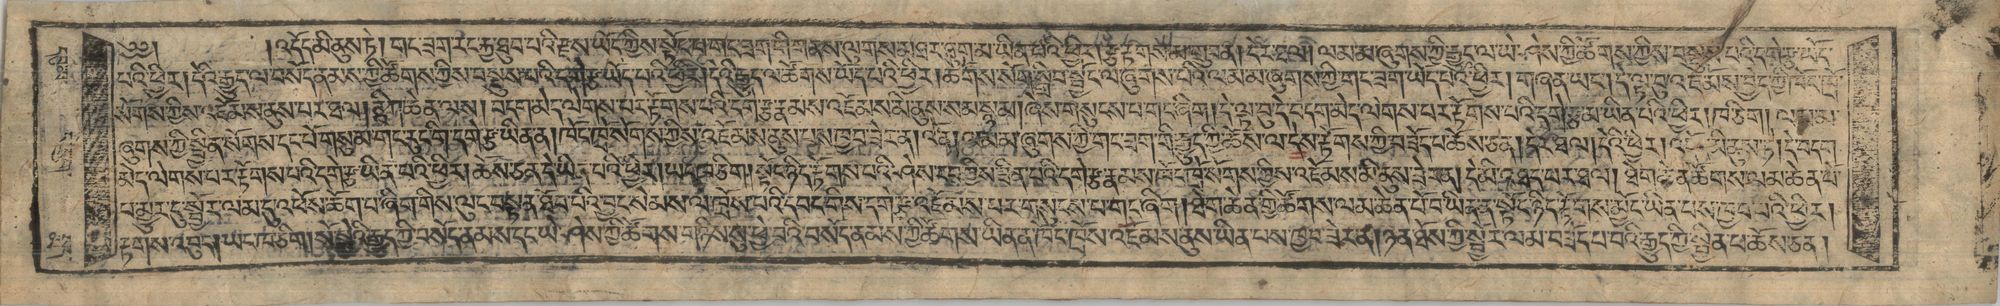༄༅། །འདོད་མི་ནུས་ཏེ། གང་ཟག་རང་རྐྱ་ཐུབ་པའི་རྫས་ཡོད་ཀྱིས་སྟོང་པ་གང་ཟག་གི་གནས་ལུགས་མཐར་ཐུག་མ་ཡིན་པའི་ཕྱིར། རྩ་རྟགས་མ་གྲུབ་ན། དེར་ཐལ། ལམ་མ་ཞུགས་ཀྱི་རྒྱུད་ལ་ཡེ་ཤེས་ཀྱི་ཚོགས་ཀྱིས་བསྡུས་པའི་དགེ་རྩ་ཡོད་
པའི་ཕྱིར། དེའི་རྒྱུད་ལ་བསོད་ནམས་ཀྱི་ཚོགས་ཀྱིས་བསྡུས་པའི་དགེ་རྩ་ཡོད་པའི་ཕྱིར། དེའི་རྒྱུད་ལ་ཚོགས་ཡོད་པའི་ཕྱིར། ཚོགས་སོག་སྒྲིབ་སྦྱོང་ལ་ཞུགས་པའི་ལམ་མ་ཞུགས་ཀྱི་གང་ཟག་ཡོད་པའི་ཕྱིར། གཞན་ཡང་། དེ་ལྟ་བུ་འཇོམས་བྱེད་ཀྱི་ཁོང་ཁྲོ་
སོགས་ཀྱིས་འཇོམས་ནུས་པར་ཐལ། ཊཱིཀཆེན་ལས། བདག་མེད་ལེགས་པར་རྟོགས་པའི་དགེ་རྩ་རྣམས་འཇོམས་མི་ནུས་སམ་སྙམ། ཞེས་གསུངས་པ་གང་ཞིག །དེ་ལྟ་བུ་དེ་བདག་མེད་ལེགས་པར་རྟོགས་པའི་དགེ་རྩ་མ་ཡིན་པའི་ཕྱིར། ཁ་ཅིག །ལམ་མ་
ཞུགས་ཀྱི་སྦྱིན་སོགས་དང་པོ་གསུམ་གང་རུང་གི་དགེ་རྩ་ཡིན་ན། ཁོང་ཁྲོ་སོགས་ཀྱིས་འཇོམས་ནུས་པས་ཁྱབ་ཟེར་ན། འོ་ན། ལམ་མ་ཞུགས་ཀྱི་གང་ཟག་གི་རྒྱུད་ཀྱི་ཆོས་ལ་ངེས་རྟོགས་ཀྱི་བཟོད་པ་ཆོས་ཅན། དེར་ཐལ། དེའི་ཕྱིར། འདོད་མི་ནུས་ཏེ། དེ་བདག་
མེད་ལེགས་པར་རྟོགས་པའི་དགེ་རྩ་ཡིན་པའི་ཕྱིར། ཆོས་ཅན་དེ་ཡིན་པའི་ཕྱིར། ཡང་ཁ་ཅིག །སྟོང་ཉིད་རྟོགས་པའི་ཤེས་རབ་ཀྱིས་ཟིན་པའི་དགེ་རྩ་རྣམས་ཁོང་ཁྲོ་སོགས་ཀྱིས་འཇོམས་མི་ནུས་ཟེར་ན། དེ་མི་འཐད་པར་ཐལ། ཐེག་ཆེན་ཚོགས་ལམ་ཆེན་པོ་
པ་མྱུར་དུ་སྦྱོར་ལམ་དུ་འཕོས་ཆོག་བ་ཞིག་གིས་ལུང་བསྟན་ཐོབ་པའི་བྱང་སེམས་ལ་ཁྲོས་པའི་དབང་གིས་དགེ་རྩ་འཇོམས་པར་གསུངས་པ་གང་ཞིག །ཐེག་ཆེན་གྱི་ཚོགས་ལམ་ཆེན་པོ་བ་ཡིན་ན་སྟོང་ཉིད་རྟོགས་མྱོང་ཡིན་པས་ཁྱབ་པའི་ཕྱིར།
རྟགས་འབུད། ཡང་ཁ་ཅིག །སོ་སྐྱེའི་རྒྱུད་ཀྱི་བསོད་ནམས་དང་ཡེ་ཤེས་ཀྱི་ཚོགས་གཉིས་སུ་ཕྱེ་བའི་བསོད་ནམས་ཀྱི་ཚོགས་ཡིན་ན་ཁོང་ཁྲོས་འཇོམས་ནུས་ཡིན་པས་ཁྱབ་ཟེར་ན། ཉན་ཐོས་ཀྱི་སྦྱོར་ལམ་བཟོད་པ་བའི་རྒྱུད་ཀྱི་སྦྱིན་པ་ཆོས་ཅན།